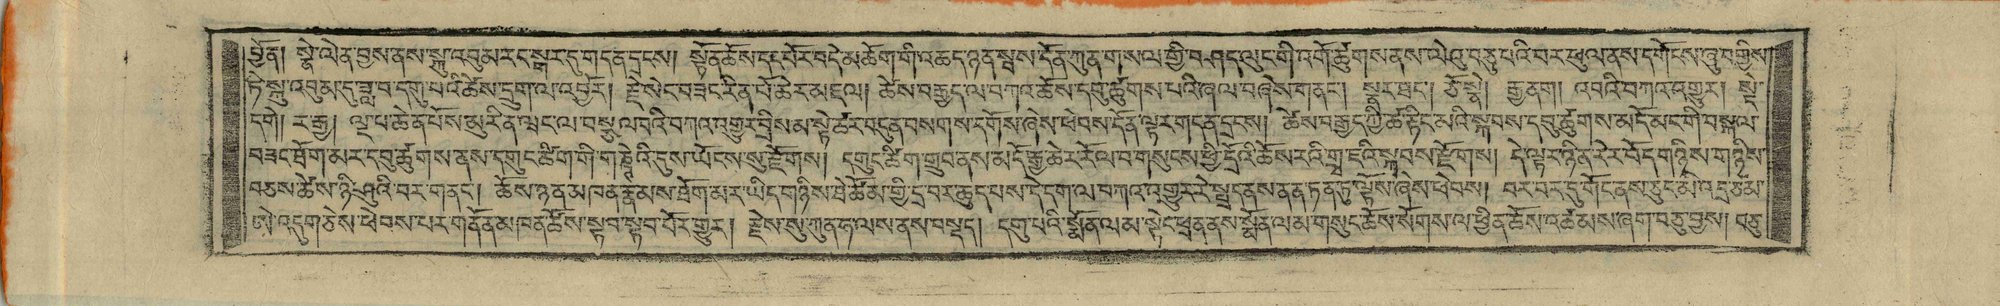བྱོན། སྣེ་ལེན་བྱས་ནས་སྐུ་འབུམ་རང་སྒར་དུ་གདན་དྲངས། སྟོན་ཆོས་དང་པོར་བདེ་མཆོག་གི་འཆད་ཉན་སྦས་དོན་ཀུན་གསལ་གྱི་བཤད་ལུང་གི་འགོ་ཚུགས་ནས་ལེའུ་བཅུ་པའི་བར་ཕུལ་ནས་དགོངས་ཞུ་བགྱིས་
ཏེ་སྐུ་འབུམ་དུ་ཟླ་བ་དགུ་པའི་ཚེས་དྲུག་ལ་འབྱོར། རྗེ་སེང་བཟང་རིན་པོ་ཆེར་མཇལ། ཚེས་བརྒྱད་ལ་བཀའ་ཆོས་དབུ་ཚུགས་པའི་ཞལ་བཞེས་གནང་། སྣར་ཐང་། ཅོ་སྣེ། རྒྱ་ནག །འབའི་བཀའ་འགྱུར། སྡེ་
དགེ ༑ར་རྒྱ། ལྔ་པ་ཆེན་པོས་མུ་རིན་ཝང་ལ་བསྩལ་བའི་བཀའ་འགྱུར་བྲིས་མ་སྟེ་ཚར་བདུན་བསགས་དགོས་ཞེས་ཕེབས་དོན་ལྟར་གདན་དྲངས། ཚེས་བརྒྱད་ཀྱི་ཚ་རྟིང་མའི་སྐབས་དབུ་ཚུགས་མདོ་མང་གི་བསྐལ་
བཟང་ཐོག་མར་དབུ་ཚུགས་ནས་དགུང་ཚིག་གི་གཎྚེའི་དུས་ཡོངས་སུ་རྫོགས། དགུང་ཚིག་གྲུབ་ནས་མདོ་རྒྱ་ཆེར་རོལ་བ་གསུངས་ཕྱི་དྲོའི་ཆོས་རའི་གྲྭ་ཇའི་སྐབས་རྫོགས། དེ་ལྟར་ཉིན་རེར་བོད་གཉིས་གཉིས་
བཅས་ཚེས་ཉི་ཤུའི་བར་གནང་། ཆོས་ཉན་མཁན་རྣམས་ཐོག་མར་ཡིད་གཉིས་ཐེ་ཚོམ་གྱི་དྲ་བར་ཆུད་པས་དེ་དག་ལ་བཀའ་འགྱུར་རེ་སྤྲད་ནས་ནན་ཏན་ཏུ་ལྟོས་ཞེས་ཕེབས། བར་བར་དུ་གོང་ནས་ཅུང་མི་འདྲ་ཙམ་
ཨེ་འདུག་ཅེས་ཕེབས་པར་གནོན་མཁན་ཚོས་སྟབ་སྟབ་པོར་གྱུར། རྗེས་སུ་ཀུན་ཧ་ལས་ནས་བསྡད། དགུ་པའི་སྨོན་ལམ་སྟེང་ཕྲན་ནས་སྨོན་ལམ་གསུང་ཆོས་སོགས་ལ་ཕྱིན་ཆོས་འཚམས་ཞག་བཅུ་བྱས། བཅུ་